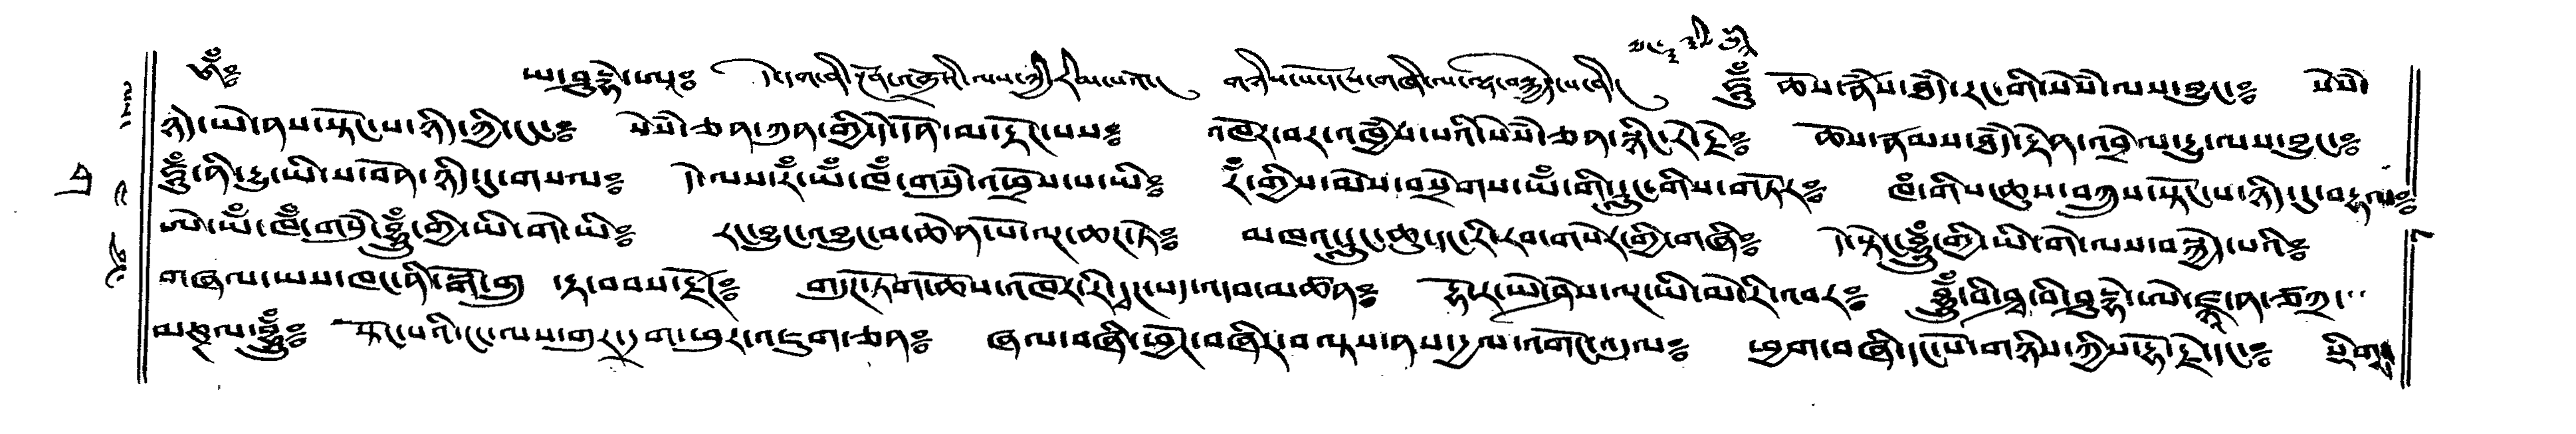ཡ་ཤུདྡྷེ་ཨཱཿ དེ་དག་ནི་སྔོན་འགྲོའི་ལས་ཀྱི་རིམ་པའོ། གཉིས་པ་དངོས་གཞི་ལ་ལྷ་བསྐྱེད་པ་ནི། ཧཱུྃ༔ ཆོས་རྣམས་ཐམས་ཅད་རང་གི་སེམས་ལས་བྱུང༔ སེམས་
ཉིད་ཡེ་ནས་སྟོང་པ་ཉིད་ཀྱི་ངང༔ སེམས་ཅན་ཀུན་གྱི་དེ་དོན་མ་རྟོགས་པས༔ འཁོར་བར་འཁྱམས་པའི་སེམས་ཅན་སྙིང་རེ་རྗེ༔ ཆོས་རྣམས་ཐམས་ཅད་རྟེན་འབྲེལ་རྒྱུ་ལས་བྱུང༔ 
ཧཱུྃ་ནིེ་རྒྱུ་ཡི་ས་བོན་ཉིད་དུ་གསལ༔ དེ་ལས་རྃ་ཡྃ་ཁྃ་གསུམ་འཕྲོས་པ་ཡིས༔ རྃ་གྱི་མེས་བསྲེགས་ཡྃ་གྱི་རླུང་གིས་གཏོར༔ ཁཾ་གྱི་ཆུས་བཀྲུས་སྟོང་པ་ཉིད་དུ་བརྡལ༔ 
ཨེ་ཡྃ་ཁྃ་གསུམ་བྷྲུྃ་གྱི་ཡི་གེ་ཡི༔ རང་བྱུང་འབྱུང་བ་ཆེན་པོ་ལྔ་ཆགས་ཏེ༔ མཁའ་རླུང་ཆུ་དང་རི་རབ་གསེར་གྱི་གཞི༔ དེ་སྟེང་བྷྲུྃ་གྱི་ཡི་གེ་ལས་བསྐྱེད་པའི༔ 
གཞལ་ཡས་ཁང་ནི་སྒོ་གྲུ་ རྟ་བབས་རྫོགས༔ གདུགས་ཏོག་ཆོས་འཁོར་རི་དྭགས་པད་འདབ་མཚན༔ རྡོ་ར་ཡེ་ཤེས་ལྔ་ཡི་མཻ་རི་འབར༔ བྷྲུྃ་བི་ཤྭ་བི་ཤུདྡྷེ་ཨེ་ཛྙཱ་ན་ཙཀྲ་
མཎྜལ་བྷཱུྃ༔ སྟོང་པའི་ངང་ལས་གུར་དྲག་ཕུར་མཇུག་ཅན༔ ཞལ་བཞི་ཕྱོགས་བཞིར་བལྟས་ནས་རྒྱལ་འགོང་འདུལ༔ ཕྱག་བཞི་དང་པོ་གཉིས་ཀྱིས་རྡོ་རྗེ་དང༔ སྡིག་